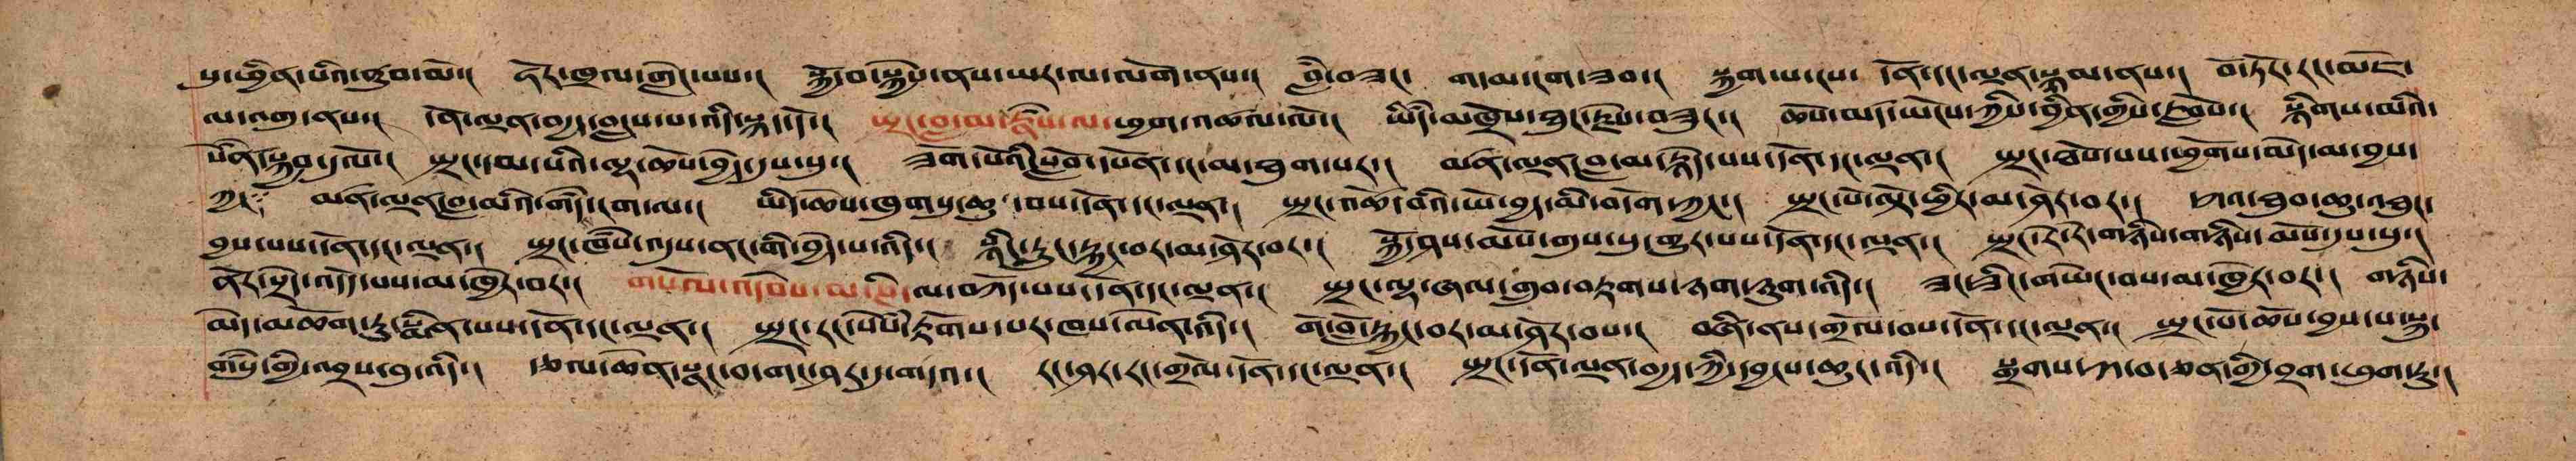སུ་ཕྱིན་པའི་ནུབ་མོ།། ཧོར་ཁྲལ་གླེང་པས།། སྐྱོ་བ་སྐྱེས་ནས་ཡར་ལ་ལོག་ནས།། བླ་མ་བཟང་།། གདམ་ངག་ཟབ། སྐྱག་པ་ངས།། དོན་དང་ལྡན་སྙམ་ནས།། བོ་ཏོར་རང་མཇེ་
ལ་མགུ་ནས།། དོན་ལྡན་བརྒྱད་བླངས་པ་འདི་སྐད་དོ།། སྤྲང་བླ་མ་རྣམས་ལ་ཕྱག་འཚལ་ལོ།། ཡིད་དམ་མཁའ་འགྲོས་ཐུགས་རྗེས་བཟུང་།། ཆོས་མཛད་ཡོངས་ཀྱིས་བྱིན་གྱིས་རློབས།། སྙིགས་མའི་
སེམས་ཅན་བསྐྱབ་ཏུ་གསོལ།། སྤྲང་དམ་པའི་ལྷ་ཆོས་བྱེད་དུས་སུ།། ཟོིག་པོའི་སློབ་དཔོན་དང་མ་ཐུག་པར།། མཚན་ལྡན་བླ་མ་རྙེད་པས་དོན་དང་ལྡན།། སྤྲང་ཐོག་པས་ཕྱོགས་མེད་མ་བྱས་
ཀྱང་༑ མཚན་ལྡན་བླ་མའི་གདམས་ངག་ལས། ཡིད་ཆེས་ཁུག་སུ་ཆུད་བས་དོན་དང་ལྡན། སྤྲང་འཚོ་བའི་ཡོ་བྱད་མི་བདོག་ཀྱང་། སྤྲང་པོ་ལྟོ་ཕྱིར་མ་ཤོར་བར།། དཀའ་ཐུབ་ཆུ་འཐུང་བྱས་
པས་དོན་དང་ལྡན།། སྤྲང་ཁམས་འདུས་ནང་གི་བྱེད་པ་འདི།། སྙིང་རླུང་རྐྱང་བར་མ་ཤོར་བར།། སྐྱོ་ཤས་མོས་གུས་སུ་གྱུར་པ་དོན་དང་ལྡན།། སྤྲང་རེ་རེ་གཉིས་གཉིས་མོས་དུས་སུ།། 
ནོར་སྲེད་འདོད་པས་མ་ཁྱེར་བར།། གསོལ་འདེབས་མ་ཎི་ལ་བཀོད་པས་དོན་དང་ལྡན།། སྤྲང་ལྷ་ཞལ་གྲུབ་རྟགས་ཉག་ཉུག་འདི།། ཟང་ཟིང་གཡེང་བས་མ་ཁྱེར་བར།། གཉིས་
མེད་མཆོག་ཏུ་སྨིན་པ་དོན་དང་ལྡན།། སྤྲང་རང་སེམས་རྟོགས་པར་ཁས་ལེན་འདི།། གོ་བློ་རྐྱང་བར་མ་ཤོར་བས།། བཞི་ནས་གྲོལ་བས་དོན་དང་ལྡན།། སྤྲང་པོ་ཆོས་བྱས་པ་སྐུ་
གསུམ་གྱི་འབྲས་བུ་འདི།། རྩལ་ཆེན་སྣང་བ་གང་ཤར་དུ་གདའ།། རང་ཤར་རང་གྲོལ་དོན་དང་ལྡན།། སྤྲང་དོན་ལྡན་བརྒྱད་ཀྱི་དབྱངས་ཆུང་འདི།། སྒྲགས་ཀ་བ་ཅན་གྱི་བྲག་ཕུག་ཏུ།།